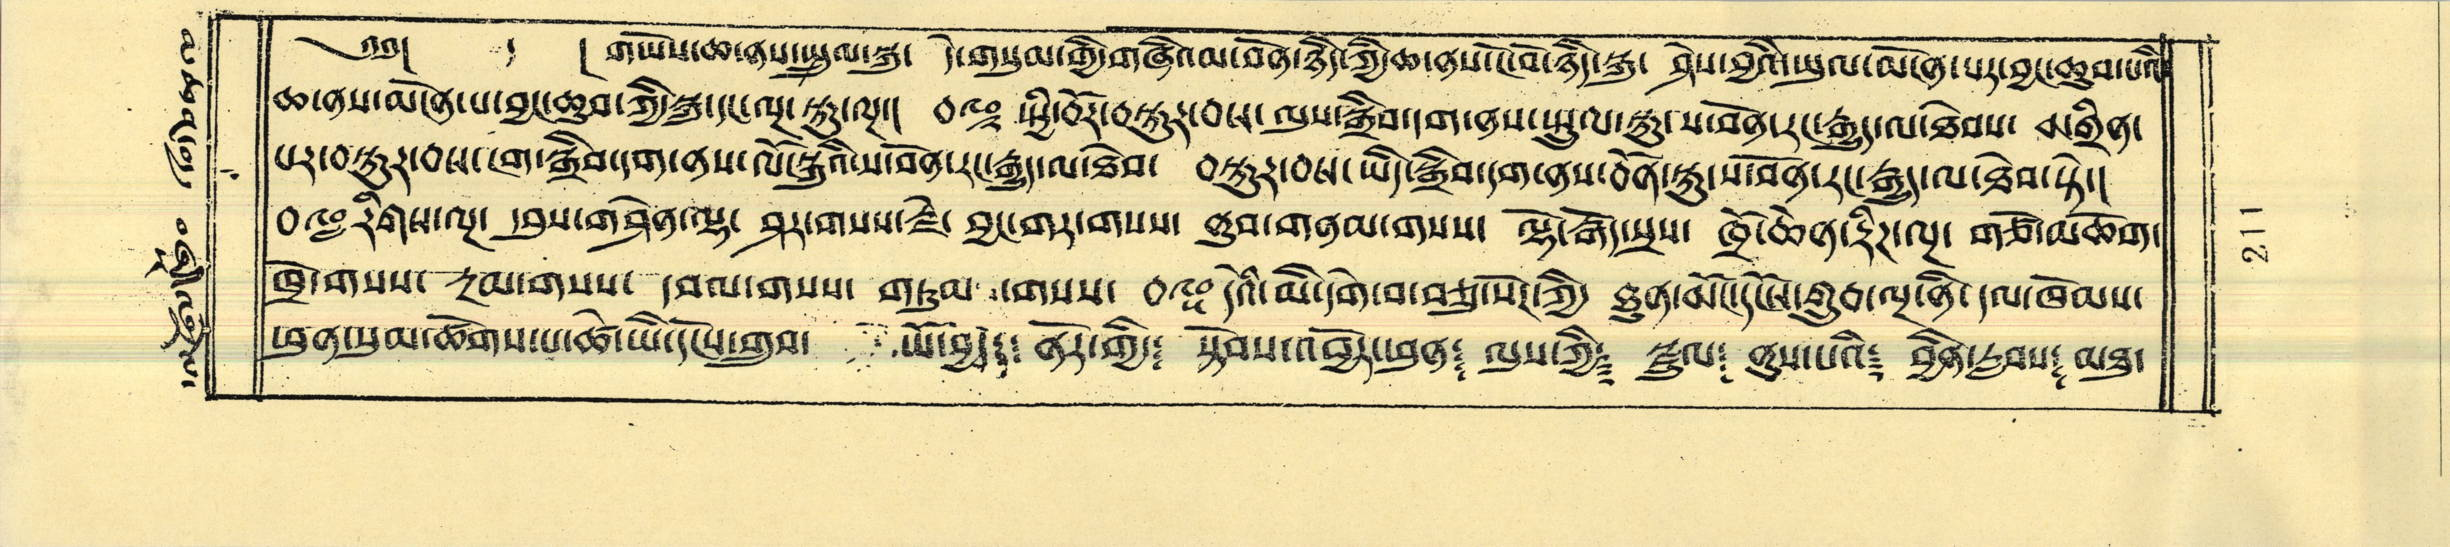གཡོས་ཆ་ནས་སྤྲུལ་སྐུ། དེ་གསུམ་གྱི་གཞི་འམ་བོན་ཉིད་ཀྱི་ཆ་ནས་ངོ་བོ་ཉིད་སྐུ། ཤེས་བྱའི་ཡུལ་མངོན་པར་བྱང་ཆུབ་པའི་
ཆ་ནས་མངོན་པ་བྱང་ཆུབ་ཀྱི་སྐུ་དང་ལྔ་སྐུ་ལྔ། བ༩༠།༢ སྤྱི་བོར་བསྐུར་བས་ལུས་སྒྲིབ་དག་ནས་སྤྲུལ་སྐུ་ས་བོན་རང་རྒྱུད་ལ་ཐེབས། མགྲིན་
པར་བསྐུར་བས་ངག་སྒྲིབ་དག་ནས་ལོངས་སྐུའི་ས་བོན་རང་རྒྱུད་ལ་ཐེབ། བསྐུར་བས་ཡིད་སྒྲིབ་དག་ནས་བོན་སྐུ་ས་བོན་རང་རྒྱུད་ལ་ཐེབ་སྟེ། 
བ༩༠།༤ རིགས་ལྔ་ དབུས་གཤེན་ལྷ། ཤར་གསལ་རྗེ། བྱང་གར་གསས། ནུབ་གནམ་གསས། ལྷོ་རྒོད་སྲས། ཁྲོ་ཆེན་རིགས་ལྔ་ གཙོ་མཆོག་
ཁྲོ་གསས། རྔམ་གསས། དབལ་གསས། གཏུམ་གསས། བ༩༠།༥ དེའི་མི་དགེ་བ་བཅུ་སོགས་ཀྱི། ཐུན་མོང་དངོས་གྲུབ་ལྔ་ནི། དལ་ཁོམས་
ཕུན་སུམ་ཚོགས་པ་ཚེ་ཡི་དངོས་གྲུབ། ཡོ་བྱད་་་། ནོར་གྱི་་། སྟོབས་འབྱོར་ཕུན་་་། ལུས་ཀྱི་་་། སྫུ་འཕྲུལ་་་། ནུས་པའི་་་། བྱིན་རླབས་་་། མཐུ་